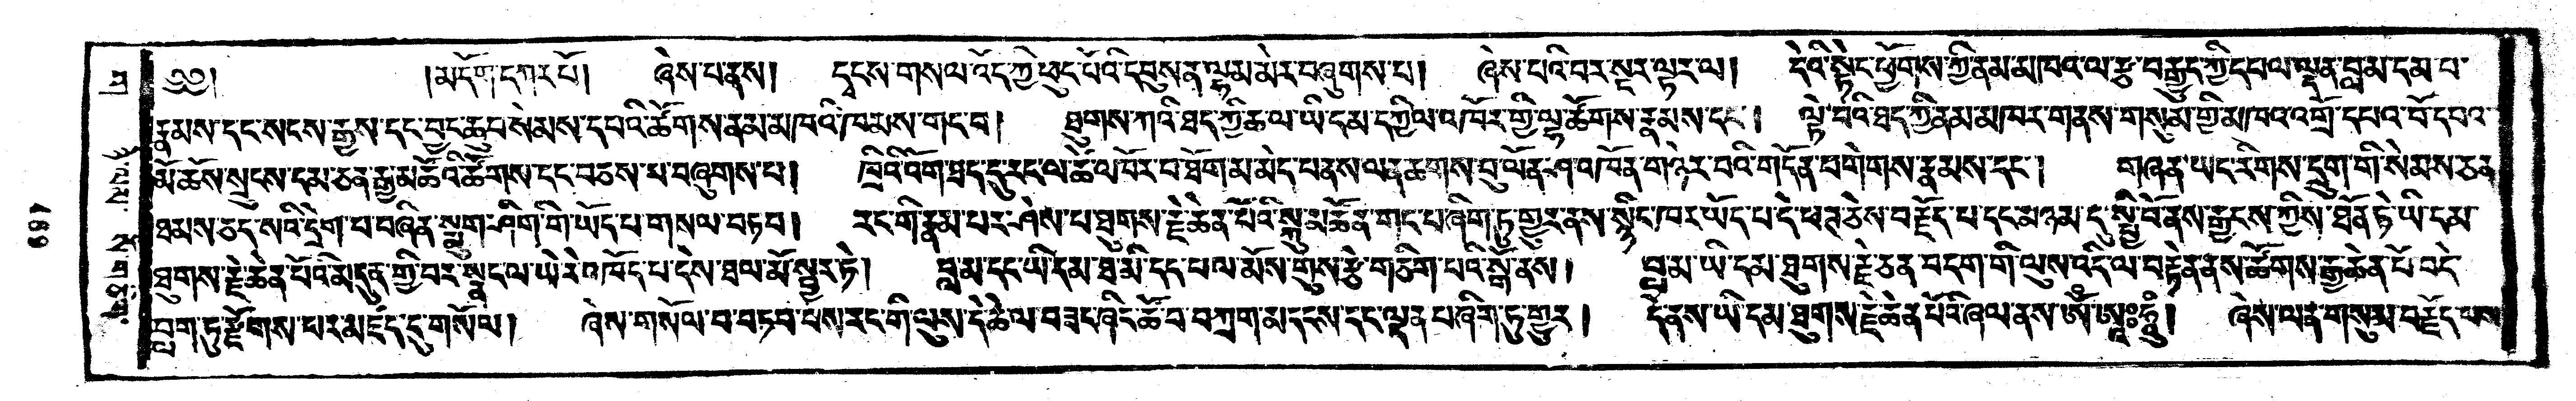༄༅། །མདོག་དཀར་པོ། ཞེས་པ་ནས། དྭངས་གསལ་འོད་ཀྱི་ཕུང་པོའི་དབུས་ན་ལྷམ་མེར་བཞུགས་པ། ཞེས་པའི་བར་སྔར་ལྟར་ལ། དེའི་སྟེང་ཕྱོགས་ཀྱི་ནམ་མཁའ་ལ་རྩ་བརྒྱུད་ཀྱི་དཔལ་ལྡན་བླ་མ་དམ་པ་
རྣམས་དང་སངས་རྒྱས་དང་བྱང་ཆུབ་སེམས་དཔའི་ཚོགས་ནམ་མཁའི་ཁམས་གང་བ། ཐུགས་ཀའི་ཐད་ཀྱི་ཆ་ལ་ཡི་དམ་དཀྱིལ་འཁོར་གྱི་ལྷ་ཚོགས་རྣམས་དང་། ལྟེ་བའི་ཐད་ཀྱི་ནམ་མཁར་གནས་གསུམ་གྱི་མཁའ་འགྲོ་དཔའ་བོ་དཔའ་
མོ་ཆོས་སྲུངས་དམ་ཅན་རྒྱ་མཚོའི་ཚོགས་དང་བཅས་པ་བཞུགས་པ། ཁྲིའི་འོག་ཐད་དུ་རང་ལ་ཚེ་འཁོར་བ་ཐོག་མ་མེད་པ་ནས་ལན་ཆགས་བུ་ལོན་ཤ་འཁོར་གཉེར་བའི་གདོན་བགེགས་རྣམས་དང་། གཞན་ཡང་རིགས་དྲུག་གི་སེམས་ཅན་
ཐམས་ཅད་སའི་དྲེག་པ་བཞིན་སྨུག་ཤིག་གི་ཡོད་པ་གསལ་བཏབ། རང་གི་རྣམ་པར་ཤེས་པ་ཐུགས་རྗེ་ཆེན་པོའི་སྐུ་མཚོན་གང་པ་ཞིག་ཏུ་གྱུར་ནས་སྙིང་ཁར་ཡོད་པ་དེ་ཕཊ་ཅེས་བརྗོད་པ་དང་མཉམ་དུ་སྦྱི་བོ་ནས་རྒྱངས་ཀྱིས་ཐོན་ཏེ་ཡི་དམ་
ཐུགས་རྗེ་ཆེན་པོའི་མདུན་གྱི་བར་སྣང་ལ་ཡེ་རེ་འཁོད་པ་དེས་ཐལ་མོ་སྦྱར་ཏེ། བླ་མ་དང་ཡི་དམ་ཐ་མི་དད་པ་ལ་མོས་གུས་རྩེ་གཅིག་པའི་སྒོ་ནས། བླ་མ་ཡི་དམ་ཐུགས་རྗེ་ཅན་བདག་གི་ལུས་འདི་ལ་བརྟེན་ནས་ཚོགས་རྒྱ་ཆེན་པོ་བདེ་
བླག་ཏུ་རྫོགས་པར་མཛད་དུ་གསོལ། ཞེས་གསོལ་བ་བཏབ་པས་རང་གི་ལུས་དེ་ཆེ་ལ་བཟང་ཞིང་ཚོ་བ་བཀྲག་མདངས་དང་ལྡན་པ་ཞིག་ཏུ་གྱུར། དེ་ནས་ཡི་དམ་ཐུགས་རྗེ་ཆེན་པོའི་ཞལ་ནས་ཨོཾ་ཨཱཿ ཧཱུཾ། ཞེས་ལན་གསུམ་བརྗོད་ལས་